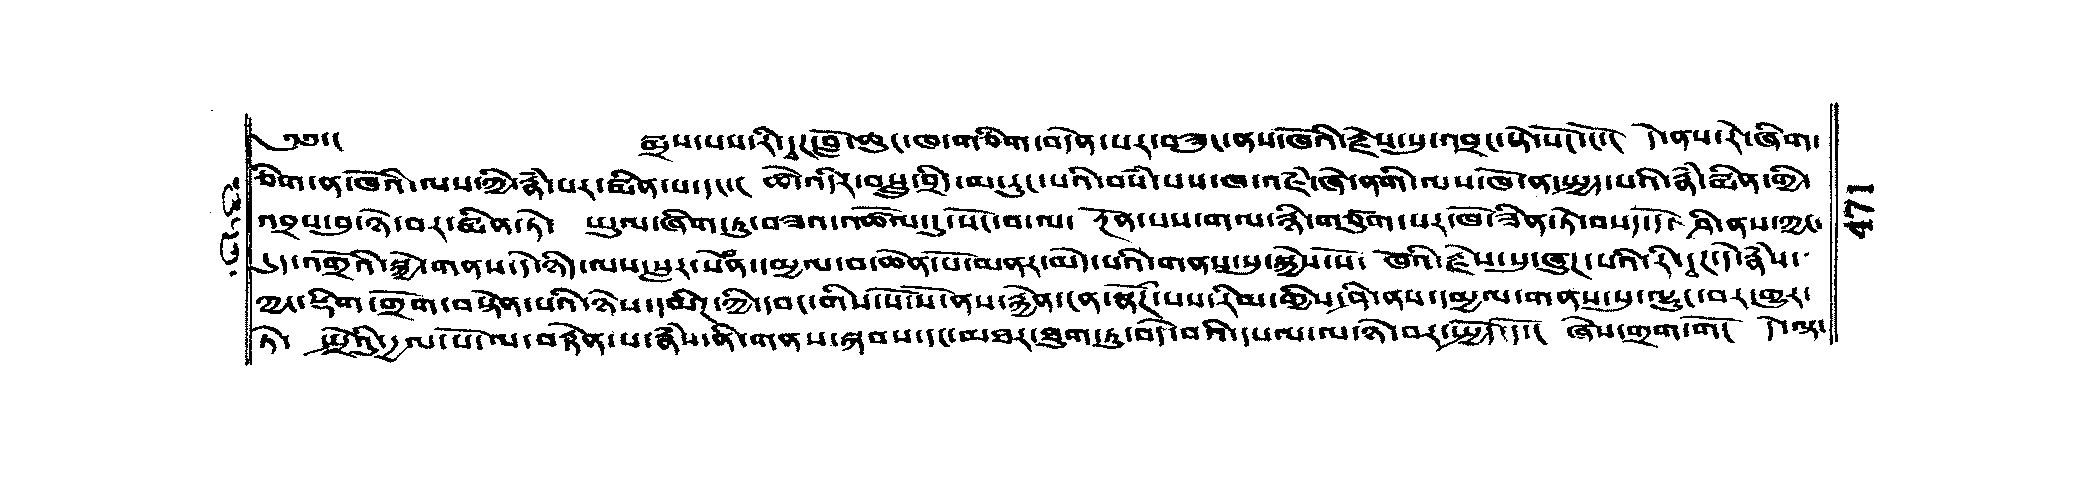སྨྲས་པས་རི་དྭགས་བློ་ཆུང་ཁག་གཅིག་བདེན་པར་བཟུང་ནས་ཁོའི་རྗེས་སུ་འབྲངས་སྟེ་སོང་ངོ་། དེ་ནས་རེ་ཞིག་
ཅིག་ན་ཁོའི་ལས་ཀྱི་རྣམ་པར་སྨིན་པ་དང་། ཚེ་འདིར་བསླུ་བྲིད་མ་རུང་པའི་བསམ་པས་ཁ་འཇམ་ཞེ་ནག་གི་ལས་ཁོ་ན་སྤྱད་པའི་རྣམ་སྨིན་གྱི་
འབྲས་བུ་ཉེ་བར་སྨིན་ཏེ། ཡུལ་ཞིག་ཏུ་ཟས་འཚོལ་དུ་སོང་བ་ལ། རྔོན་པས་གལ་རྙི་གཙུག་སར་ཁོ་ཟིན་ཏེ་བསད་དོ། ཤི་ནས་ཀྱང་
དུད་འགྲོའི་སྐྱེ་གནས་དེ་ཉིད་ལས་སླར་སེམས་ཅན་དམྱལ་བ་ཆེན་པོ་མནར་མེད་པའི་གནས་སུ་སྐྱེས་སོ།ཁོའི་རྗེས་སུ་ཞུགས་པའི་རི་དྭགས་དེ་རྣམས་
ཀྱང་སྡིག་གྲོགས་བསྟེན་པའི་ཉེས་དམིགས་ཀྱི་དབང་གིས་སོ་སོ་ནས་རྐྱེན་ངན་སྣ་ཚོགས་པས་རིམ་གྱིས་ཤི་ནས་དམྱལ་གནས་སུ་ལྷུང་བར་གྱུར་
ཏེ། སྤྲེའུ་རྒྱལ་པོ་ལ་བརྟེན་པ་རྣམས་ནི་གནས་སྐབས་དང་མཐར་ཐུག་ཏུ་བདེ་བའི་དཔལ་ལ་ཉེ་བར་སྤྱོད་དོ། ཞེས་གྲག་གོ། དེ་ལྟ་